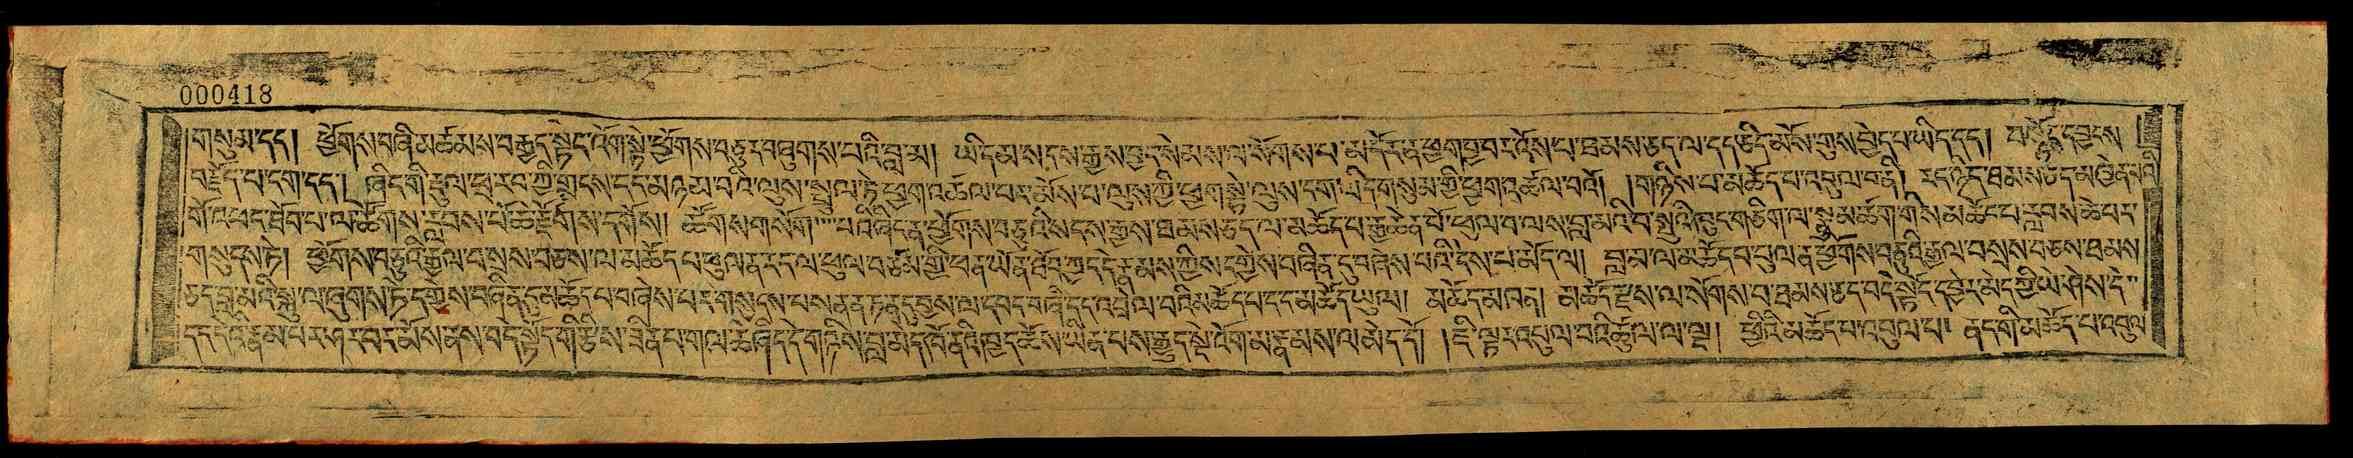གསུམ་དང་། ཕྱོགས་བཞི་མཚམས་བརྒྱད་སྟེང་འོག་སྟེ་ཕྱོགས་བཅུར་བཞུགས་པའི་བླ་མ། ཡི་དམ་སངས་རྒྱས་བྱང་སེམས་ལ་སོགས་པ་མདོར་ན་ཕྱག་བྱ་བར་འོས་པ་ཐམས་ཅད་ལ་དད་ཅིང་མོས་གུས་བྱེད་པ་ཡིད་དང་། བསྟོད་དབྱངས་
བརྗོད་པ་དག་དང་། ཞིང་གི་རྡུལ་ཕྲ་རབ་ཀྱི་གྲངས་དང་མཉམ་པའི་ལུས་སྤྲུལ་ཏེ་ཕྱག་འཚལ་བར་མོས་པ་ལུས་ཀྱི་ཕྱག་སྟེ་ལུས་ངག་ཡིད་གསུམ་གྱི་ཕྱག་འཚལ་བའོ། །གཉིས་པ་མཆོད་པ་འབུལ་བ་ནི། རང་ཉིད་ཐམས་ཅད་མཁྱེན་པའི་
གོ་འཕང་ཐོབ་པ་ལ་ཚོགས་རླབས་པོ་ཆེ་རྫོགས་དགོས། ཚོགས་གསག་པའི་ཞིང་ནི་ཕྱོགས་བཅུའི་སངས་རྒྱས་ཐམས་ཅད་ལ་མཆོད་པ་རྒྱ་ཆེན་པོ་ཕུལ་བ་ལས་བླ་མའི་བ་སྤུའི་ཁུང་གཅིག་ལ་སྣུམ་ཚགྒིས་མཆོད་པ་རླབས་ཆེ་བར་
གསུངས་ཏེ། ཕྱོགས་བཅུའི་རྒྱལ་བ་སྲས་བཅས་ལ་མཆོད་པ་ཕུལ་ན་རང་ལ་ཕུལ་བ་ཙམ་གྱི་ཕན་ཡོན་ཐོབ་ཀྱང་དེ་རྣམས་ཀྱིས་དགྱེས་བཞིན་དུ་བཞེས་པའི་ངེས་པ་མེད་ལ། བླ་མ་ལ་མཆོད་པ་ཕུལ་ན་ཕྱོགས་བཅུའི་རྒྱལ་བ་སྲས་བཅས་ཐམས་
ཅད་བླ་མའི་སྐུ་ལ་ཞུགས་ཏེ་དགྱེས་བཞིན་དུ་མཆོད་པ་བཞེས་པར་གསུངས་པས་ནན་ཏན་དུ་བྱས་ལ་དབང་བཞི་དང་འབྲེལ་བའི་མཆོད་པ་དང་མཆོད་ཡུལ། མཆོད་མཁན། མཆོད་རྫས་ལ་སོགས་པ་ཐམས་ཅད་བདེ་སྟོང་དབྱེར་མེད་ཀྱི་ཡེ་ཤེས་དེ་
དང་དེའི་རྣམ་པར་ཤར་བར་མོས་ནས་བདེ་སྟོང་གི་རྩིས་ཟིན་པ་གལ་ཆེ་ཞིང་དེ་གཉིས་བླ་མེད་ཁོ་ནའི་ཁྱད་ཆོས་ཡིན་པས་རྒྱུད་སྡེ་འོག་མ་རྣམས་ལ་མེད་དོ། །ཇི་ལྟར་འབུལ་བའི་ཚུལ་ལ་ལྔ། ཕྱིའི་མཆོད་པ་འབུལ་པ། ནང་གི་མཆོད་པ་འབུལ་